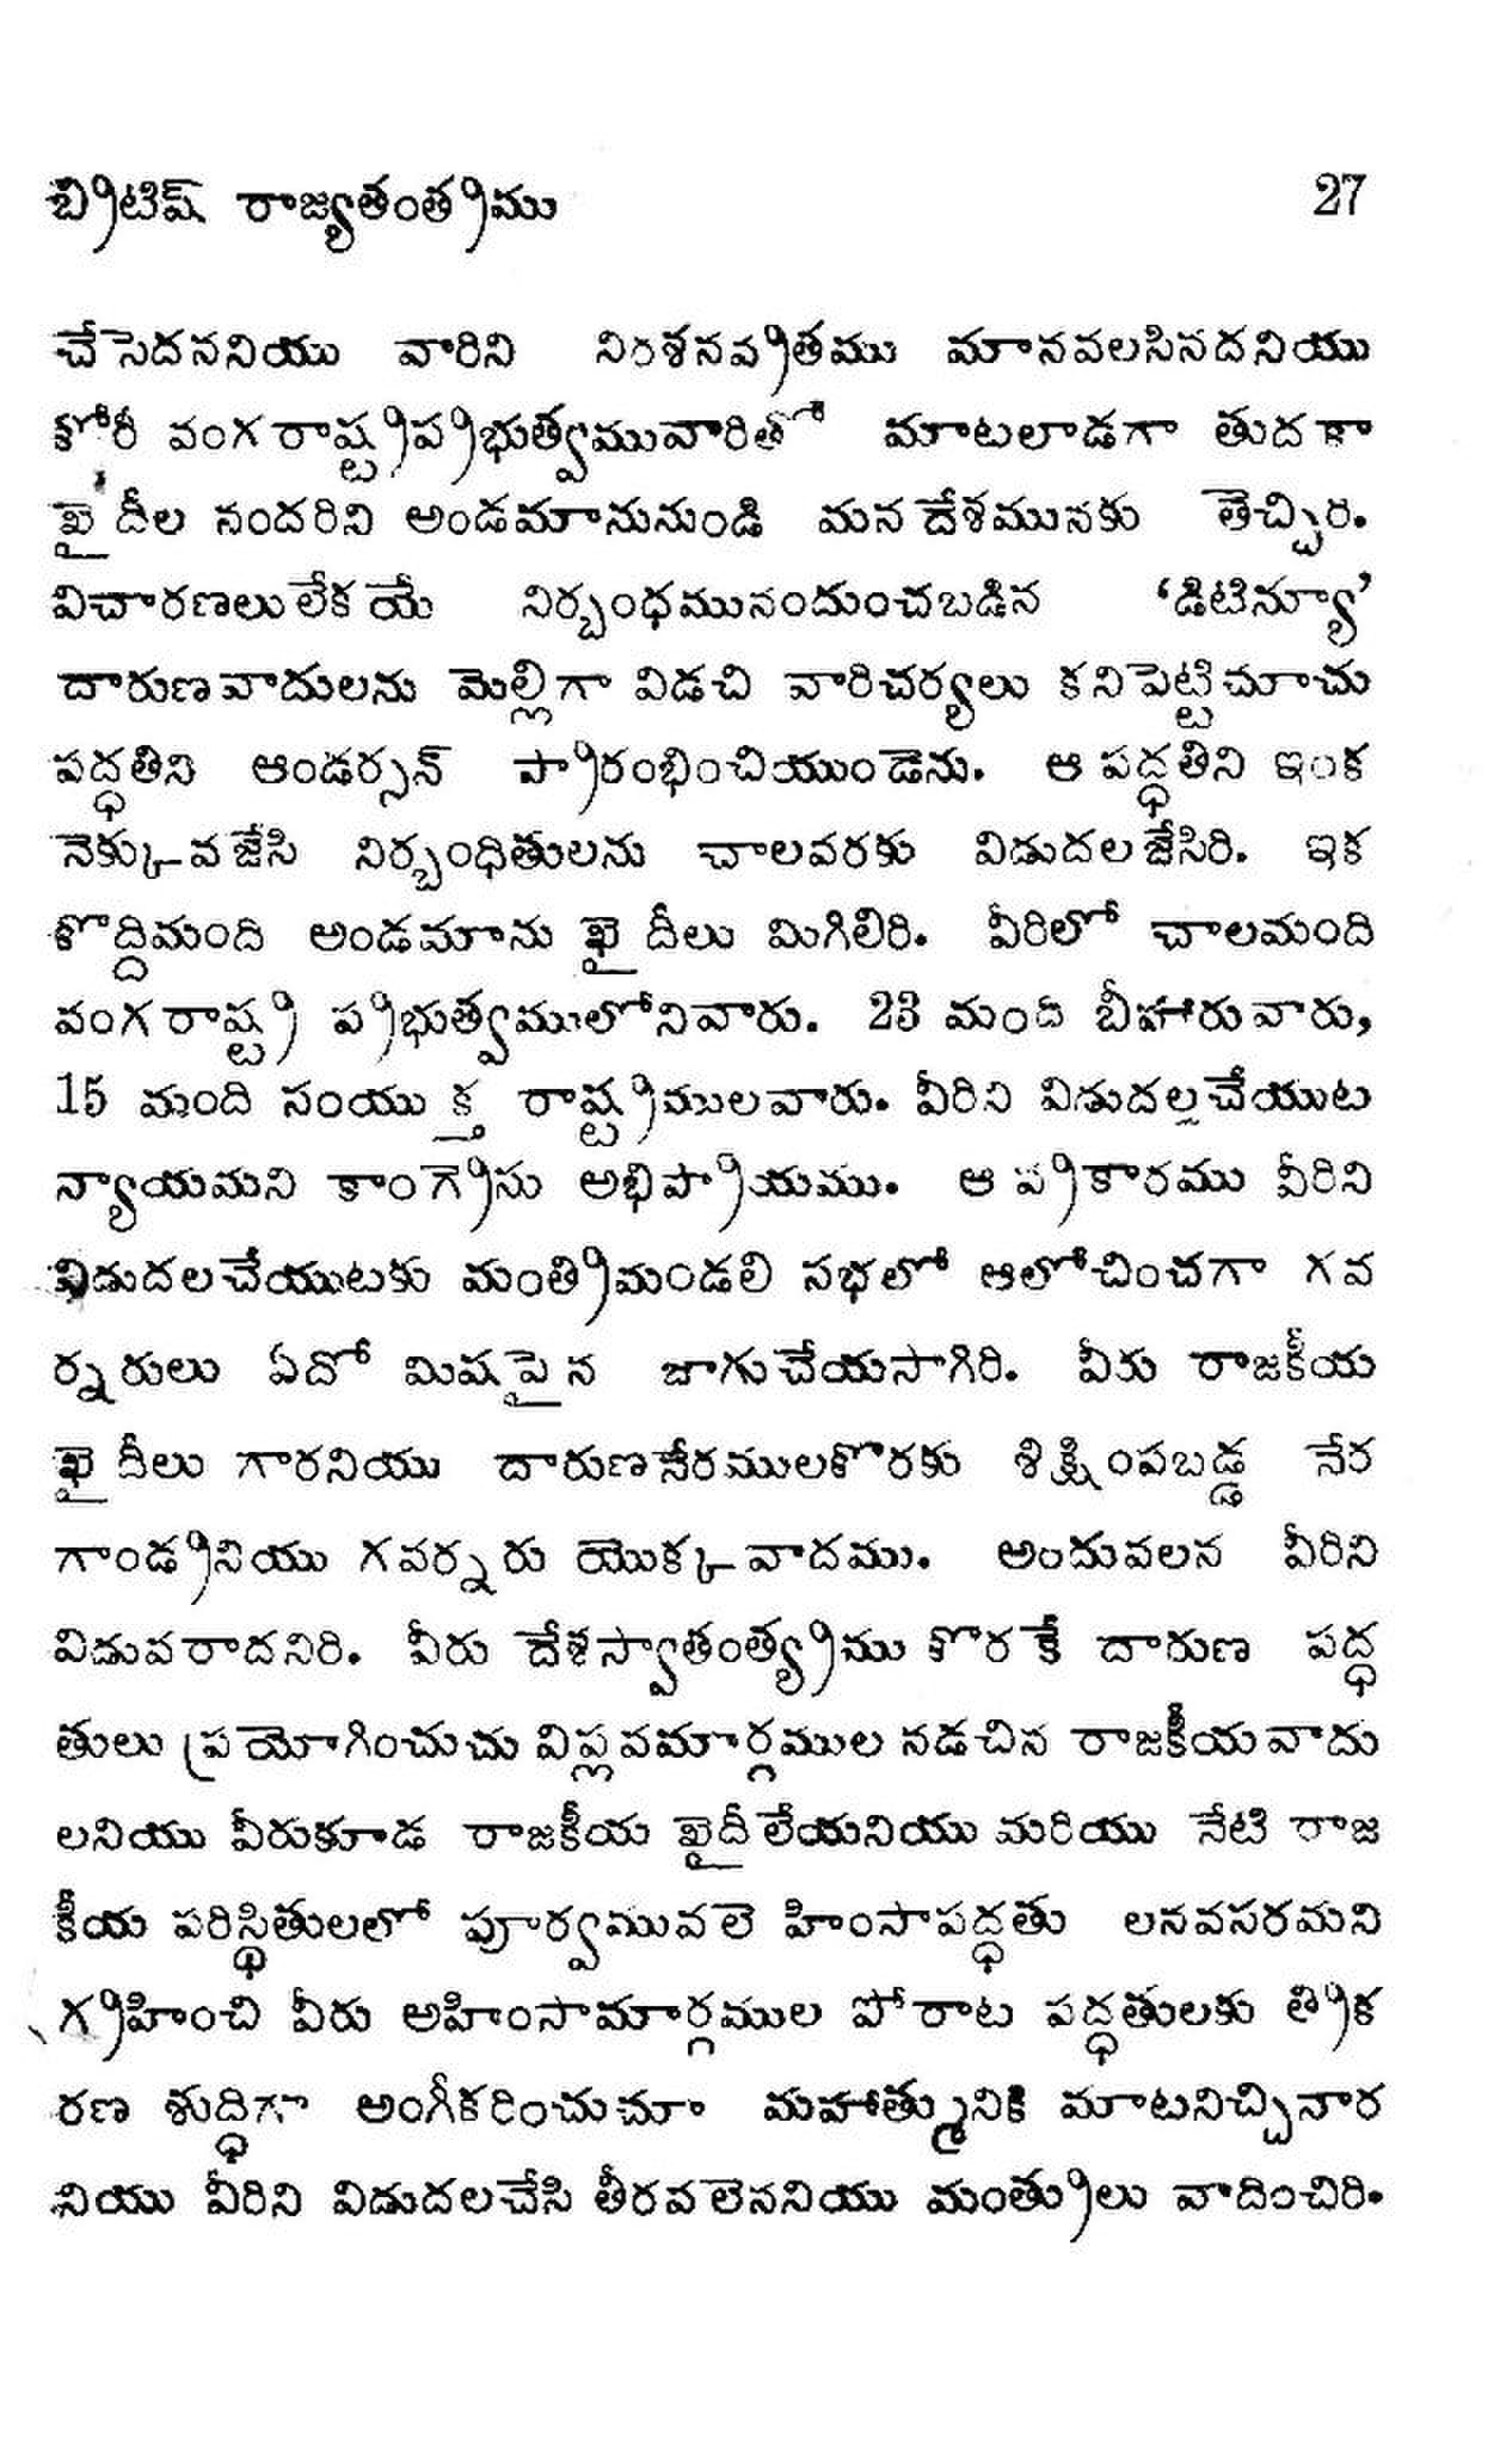చేసెదననియు వారిని నిరశనవ్రతము మానవలసినదనియు కోరీ వంగ రాష్ట్రప్రభుత్వమువారితో మాటలాడగా తుదకా ఖైదీల నందరిని అండమానునుండి మనదేశమునకు తెచ్చిరి. విచారణలులేకయే నిర్బంధమునందుంచబడిన 'డిటిన్యూ ' దారుణవాదులను మెల్లిగా విడచి వారిచర్యలు కనిపెట్టిచూచు పద్దతిని ఆండర్సన్ ప్రారంభించియుండెను. ఆ పద్ధతిని ఇంక నెక్కువజేసి నిర్బంధితులను చాలవరకు విడుదలజేసిరి. ఇక కొద్దిమంది అండమాను ఖైదీలు మిగిలిరి. వీరిలో చాలమంది వంగరాష్ట్ర ప్రభుత్వములోనివారు. 28 మంది బీహారువారు, 15 మంది సంయుక్త రాష్ట్రములవారు. వీరిని విడుదల చేయుట న్యాయమని కాంగ్రెసు అభిప్రాయము. ఆ ప్రకారము వీరిని విడుదలచేయుటకు మంత్రిమండలి సభలో ఆలోచించగా గవర్నరులు ఏదో మిష పైన జాగుచేయసాగిరి. వీరు రాజకీయ ఖైదీలు గారనియు దారుణనేరములకొరకు శిక్షింపబడ్డ నేరగాండ్రనియు గవర్నరు యొక్కవాదము. అందువలన వీరిని విడువరాదనిరి. వీరు దేశస్వాతంత్య్రము కొరకే దారుణ పద్దతులు ప్రయోగించుచు విప్లవమార్గముల నడచిన రాజకీయవాదు లనియు వీరుకూడ రాజకీయ ఖైదీలేయనియు మరియు నేటి రాజకీయ పరిస్థితులలో పూర్వమువలె హింసాపద్ధతు లనవసరమని గ్రహించి వీరు అహింసామార్గముల పోరాట పద్ధతులకు త్రికరణ శుద్ధిగా అంగీకరించుచూ మహాత్మునికి మాటనిచ్చినారనియు వీరిని విడుదలచేసి తీరవలెననియు మంత్రులు వాదించిరి.